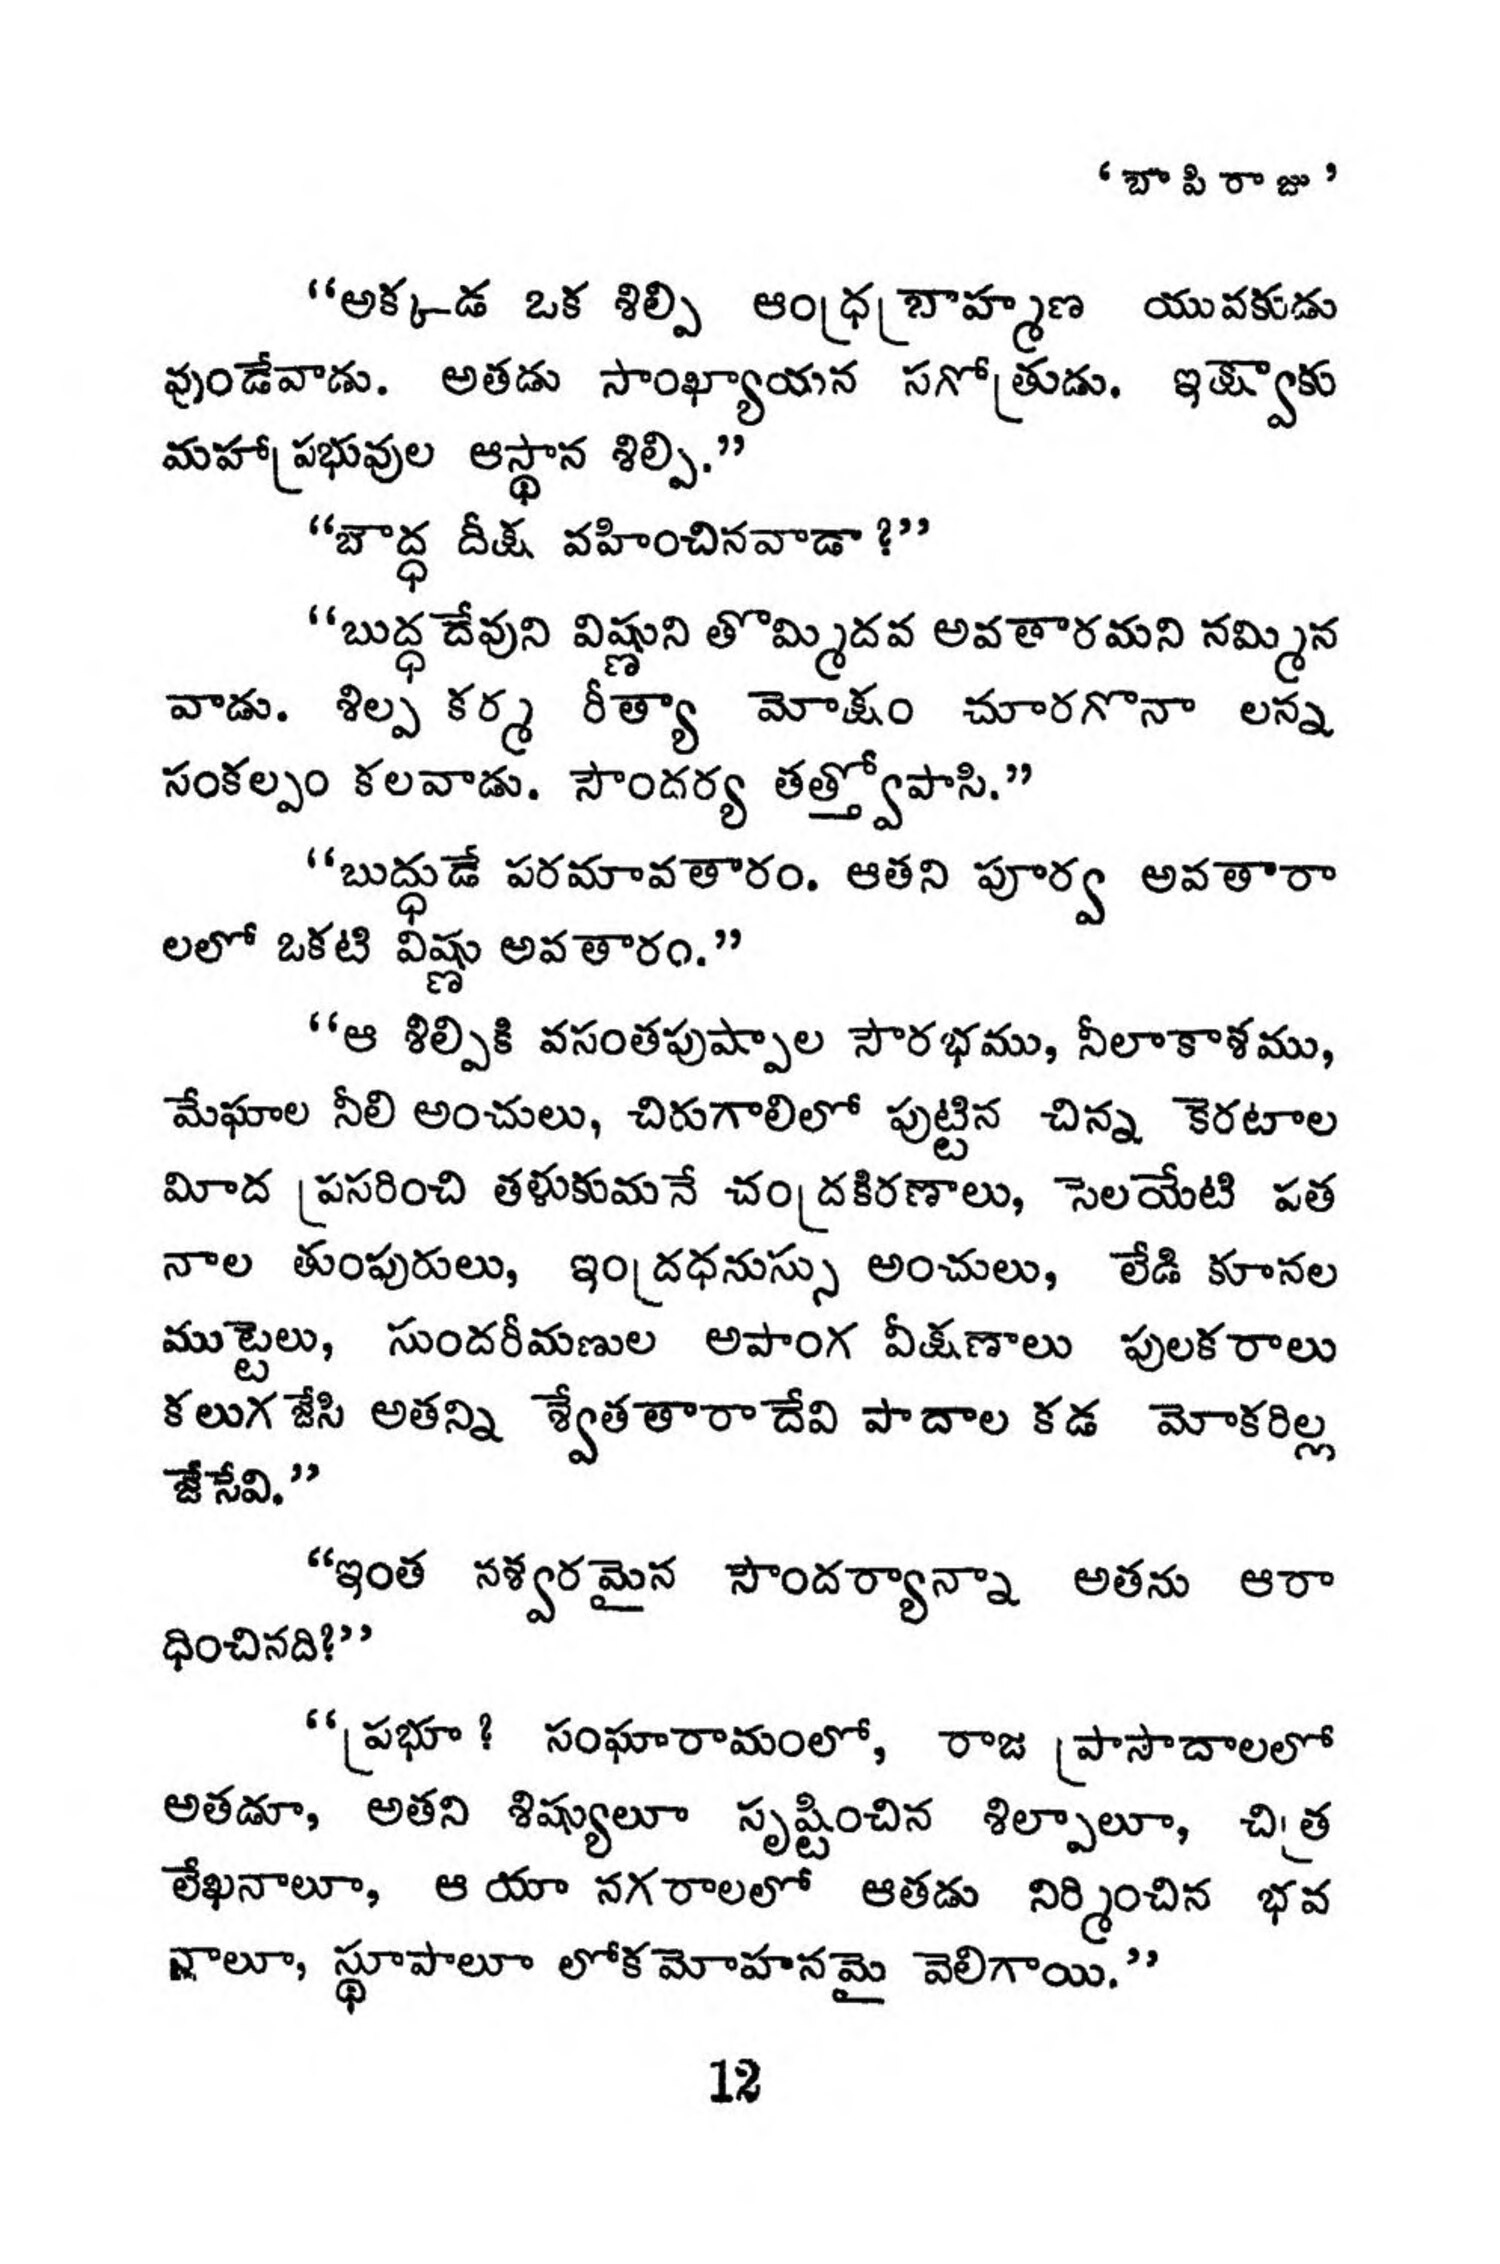“అక్కడ ఒక శిల్పి ఆంధ్రబ్రాహ్మణ యువకుడు వుండేవాడు. అతడు సాంఖ్యాయన సగోత్రుడు. ఇక్ష్వాకు మహాప్రభువుల ఆస్థాన శిల్పి.”

“బౌద్ధ దీక్ష వహించినవాడా?”

“బుద్ధదేవుని విష్ణుని తొమ్మిదవ అవతారమని నమ్మిన వాడు. శిల్ప కర్మ రీత్యా మోక్షం చూరగొనా లన్న సంకల్పం కలవాడు. సౌందర్య తత్త్వోపాసి.”

“బుద్ధుడే పరమావతారం. ఆతని పూర్వ అవతారాలలో ఒకటి విష్ణు అవతారం.”

“ఆ శిల్పికి వసంతపుష్పాల సౌరభము, నీలాకాశము, మేఘాల నీలి అంచులు, చిరుగాలిలో పుట్టిన చిన్న కెరటాల మీద ప్రసరించి తళుకుమనే చంద్రకిరణాలు, సెలయేటి పతనాల తుంపురులు, ఇంద్రధనస్సు అంచులు, లేడి కూనల ముట్టెలు, సుందరీమణుల అపాంగ వీక్షణాలు పులకరాలు కలుగజేసి అతన్ని శ్వేతతారాదేవి పాదాల కడ మోకరిల్ల జేసేవి.”

“ఇంత నశ్వరమైన సౌందర్యాన్నా అతను ఆరాధించినది?”

“ప్రభూ? సంఘారామంలో, రాజ ప్రసాదాలలో అతడూ, అతని శిష్యులూ సృష్టించిన శిల్పాలూ, చిత్ర లేఖనాలూ, ఆ యా నగరాలలో ఆతడు నిర్మించిన భవనాలూ, స్థూపాలూ లోకమోహనమై వెలిగాయి.”